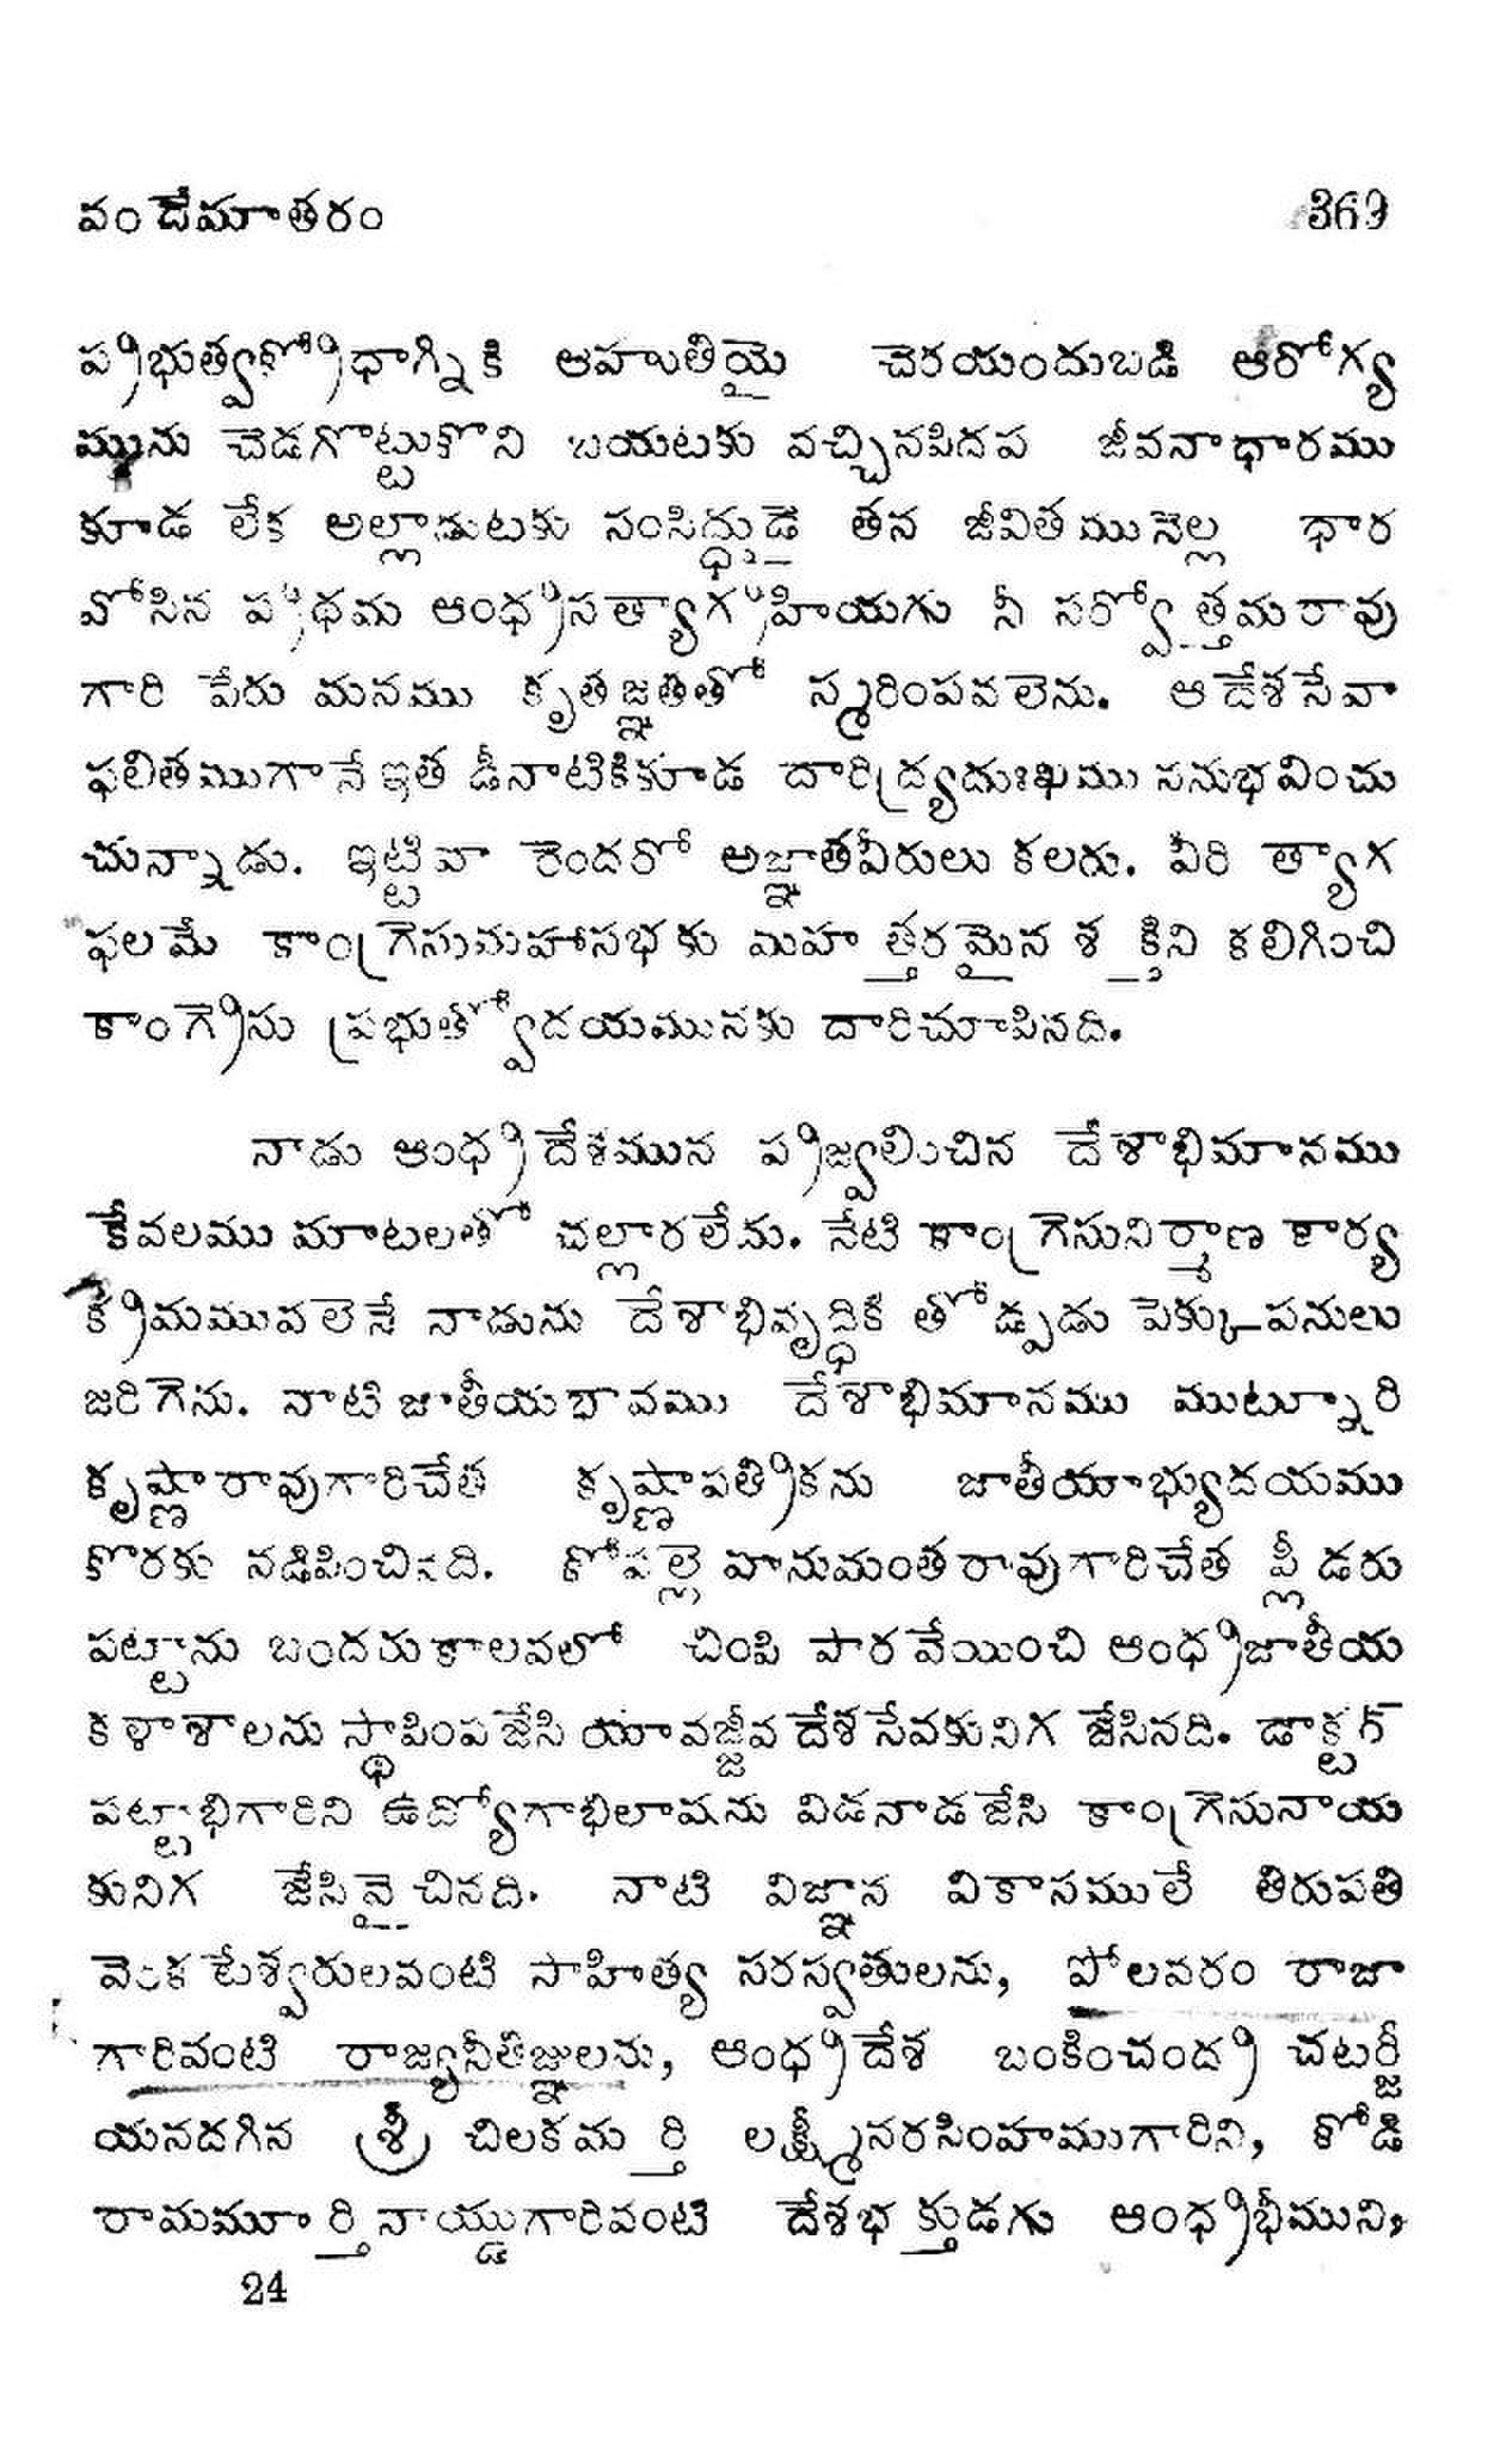ప్రభుత్వక్రోధాగ్నికి ఆహుతియై చెరయందుబడి ఆరోగ్యమును చెడగొట్టుకొని బయటకు వచ్చినపిదప జీవనాధారముకూడ లేక అల్లాడుటకు సంసిద్ధుడై తన జీవితమునెల్ల ధారవోసిన ప్రథమ ఆంధ్రసత్యాగ్రహియగు నీ సర్వోత్తమరావుగారి పేరు మనము కృతజ్ఞతతో స్మరింపవలెను. ఆదేశసేవా ఫలితముగానే ఇత డీనాటికికూడ దారిద్ర్యదుఃఖము ననుభవించు చున్నాడు. ఇట్టివా రెందరో అజ్ఞాతవీరులు కలరు. వీరి త్యాగఫలమే కాంగ్రెసుమహాసభకు మహత్తరమైన శక్తిని కలిగించి కాంగ్రెసు ప్రభుత్వోదయమునకు దారిచూపినది.

నాడు ఆంధ్రదేశమున ప్రజ్వలించిన దేశాభిమానము కేవలము మాటలతో చల్లారలేదు. నేటికాంగ్రెసునిర్మాణ కార్యక్రమమువలెనే నాడును దేశాభివృద్ధికి తోడ్పడు పెక్కుపనులు జరిగెను. నాటిజాతీయభావము. దేశాభిమానము ముట్నూరి కృష్ణారావుగారిచేత కృష్ణాపత్రికను జాతీయాభ్యుదయము కొరకు నడిపించినది. కోపల్లె హనుమంతరావు గారిచేత ప్లీడరు పట్టాను బందరుకాలవలో చింపి పారవేయించి ఆంధ్రజాతీయ కళాశాలను స్థాపింపజేసి యావజ్జీవదేశ సేవకునిగ జేసినది. డాక్టర్ పట్టాభిగారిని ఉద్యోగాభిలాషను విడనాడజేసి కాంగ్రెసునాయకునిగ జేసివైచినది. నాటి విజ్ఞాన వికాసములే తిరుపతి వెంకటేశ్వరులవంటి సాహిత్య సరస్వతులను, పోలవరం రాజాగారివంటి రాజ్యనీతిజ్ఞులను, ఆంధ్రదేశ బంకించంద్ర చటర్జీ యనదగిన శ్రీ చిలకమర్తి లక్ష్మీనరసింహముగారిని, కోడి రామమూర్తి నాయ్డుగారివంటి దేశభక్తుడగు ఆంధ్రభీముని,